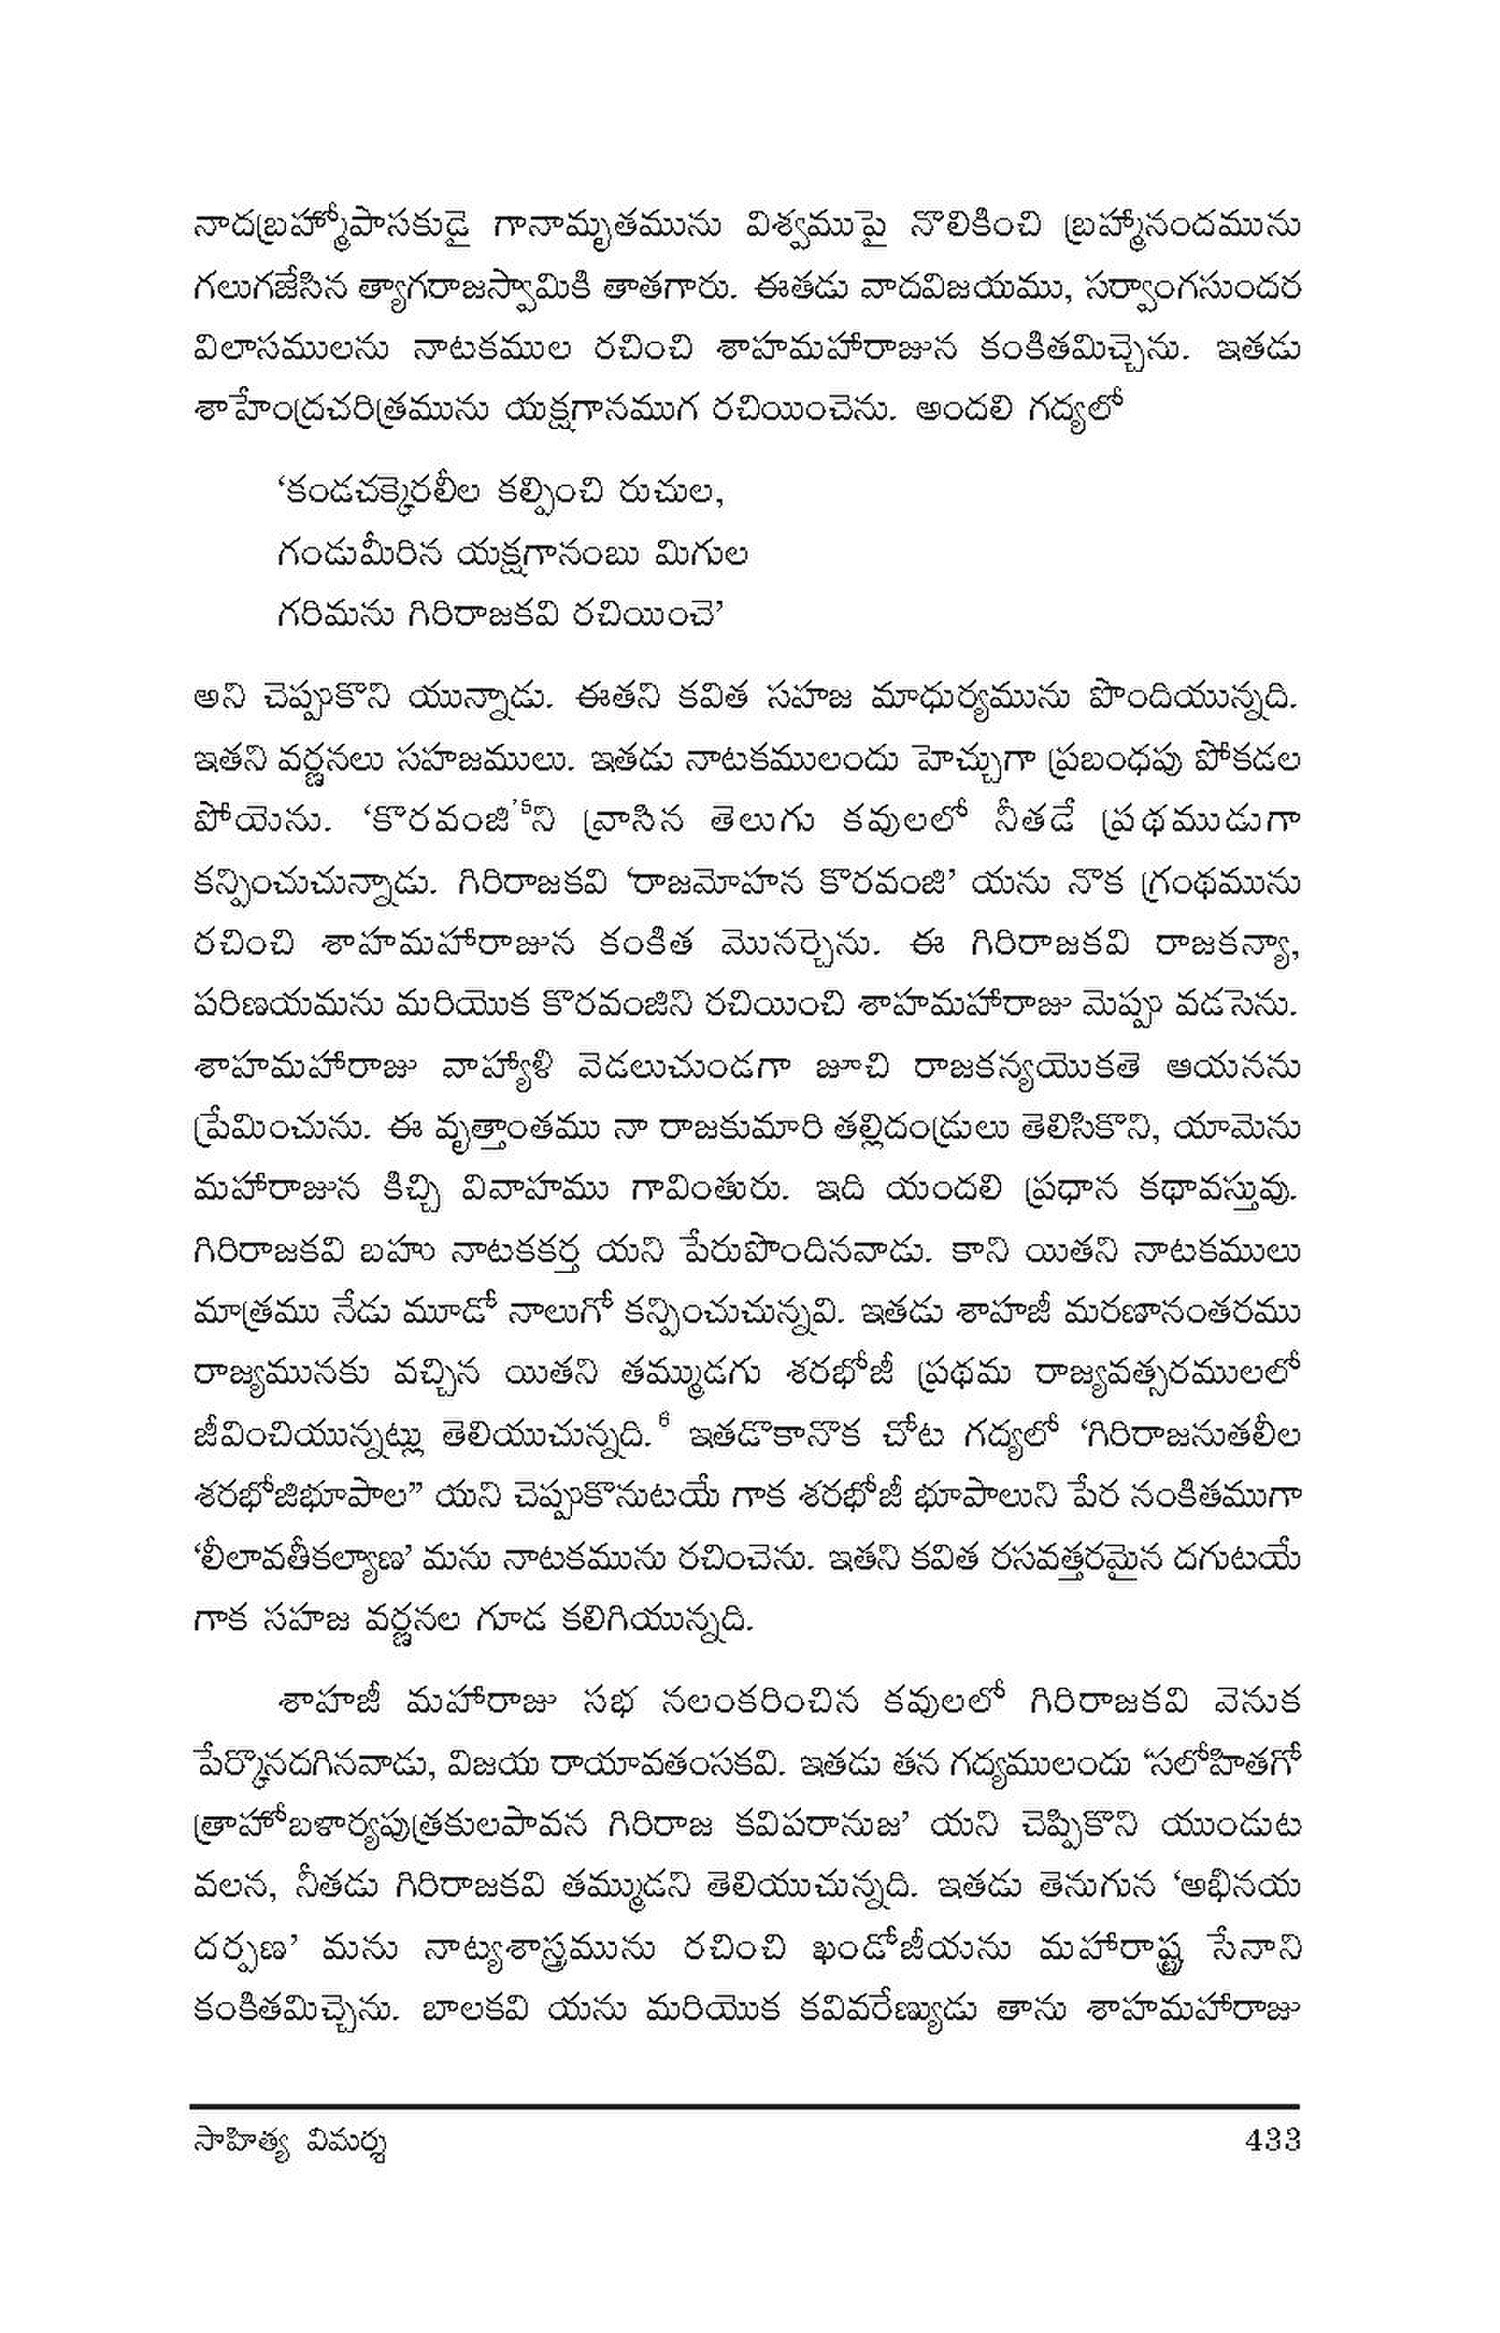నాదబ్రహ్మోపాసకుడై గానామృతమును విశ్వముపై నొలికించి బ్రహ్మానందమును గలుగజేసిన త్యాగరాజస్వామికి తాతగారు. ఈతడు వాదవిజయము, సర్వాంగసుందర విలాసములను నాటకములు రచించి శాహమహారాజున కంకితమిచ్చెను. ఇతడు శాహేంద్రచరిత్రమును యక్షగానముగ రచియించెను. అందలి గద్యలో

 'కండచక్కెరలీల కల్పించి రుచుల,
 గండుమీరిన యక్షగానంబు మిగుల
 గరిమను గిరిరాజకవి రచియించె'

అని చెప్పుకొని యున్నాడు. ఈతని కవిత సహజ మాధుర్యమును పొందియున్నది. ఇతని వర్ణనలు సహజములు. ఇతడు నాటకములందు హెచ్చుగా ప్రబంధపు పోకడల పోయెను. 'కొరవంజి'ని వ్రాసిన తెలుగు కవులలో నీతడే ప్రథముడుగా కన్పించుచున్నాడు. గిరిరాజకవి 'రాజమోహన కొరవంజి' యను నొక గ్రంథమును రచించి శాహమహారాజున కంకిత మొనర్చెను. ఈ గిరిరాజకవి రాజకన్యాపరిణయమను మరియొక కొరవంజిని రచియించి శాహమహారాజు మెప్పు వడసెను. శాహమహారాజు వాహ్యాళి వెడలుచుండగా జూచి రాజకన్యయొకతె ఆయనను ప్రేమించును. ఈ వృత్తాంతము నా రాజకుమారి తల్లిదండ్రులు తెలిసికొని, యామెను మహారాజున కిచ్చి వివాహము గావింతురు. ఇది యందలి ప్రధాన కథావస్తువు. గిరిరాజకవి బహు నాటకకర్త యని పేరుపొందినవాడు. కాని యితని నాటకములు
మాత్రము నేడు మూడో నాలుగో కన్పించుచున్నవి. ఇతడు శాహజీ మరణానంతరము రాజ్యమునకు వచ్చిన యితని తమ్ముడగు శరభోజీ ప్రథమ రాజ్యవత్సరములలో జీవించియున్నట్లు తెలియుచున్నది. ఇతడొకానొక చోట గద్యలో 'గిరిరాజనుతలీల శరభోజిభూపాల” యని చెప్పుకొనుటయే గాక శరభోజీ భూపాలుని పేర నంకితముగా 'లీలావతీకల్యాణ' మను నాటకమును రచించెను. ఇతని కవిత రసవత్తరమైన దగుటయే గాక సహజ వర్ణనల గూడ కలిగియున్నది.

శాహజీ మహారాజు సభ నలంకరించిన కవులలో గిరిరాజకవి వెనుక పేర్కొనదగినవాడు, విజయ రాయావతంసకవి. ఇతడు తన గద్యములందు 'సలోహితగోత్రాహోబళార్యపుత్రకులపావన గిరిరాజ కవిపరానుజ' యని చెప్పికొని యుండుట వలన, నీతడు గిరిరాజకవి తమ్ముడని తెలియుచున్నది. ఇతడు తెనుగున 'అభినయ దర్పణ' మను నాట్యశాస్త్రమును రచించి ఖండోజీయను మహారాష్ట్ర సేనాని కంకితమిచ్చెను. బాలకవి యను మరియొక కవివరేణ్యుడు తాను శాహమహారాజు